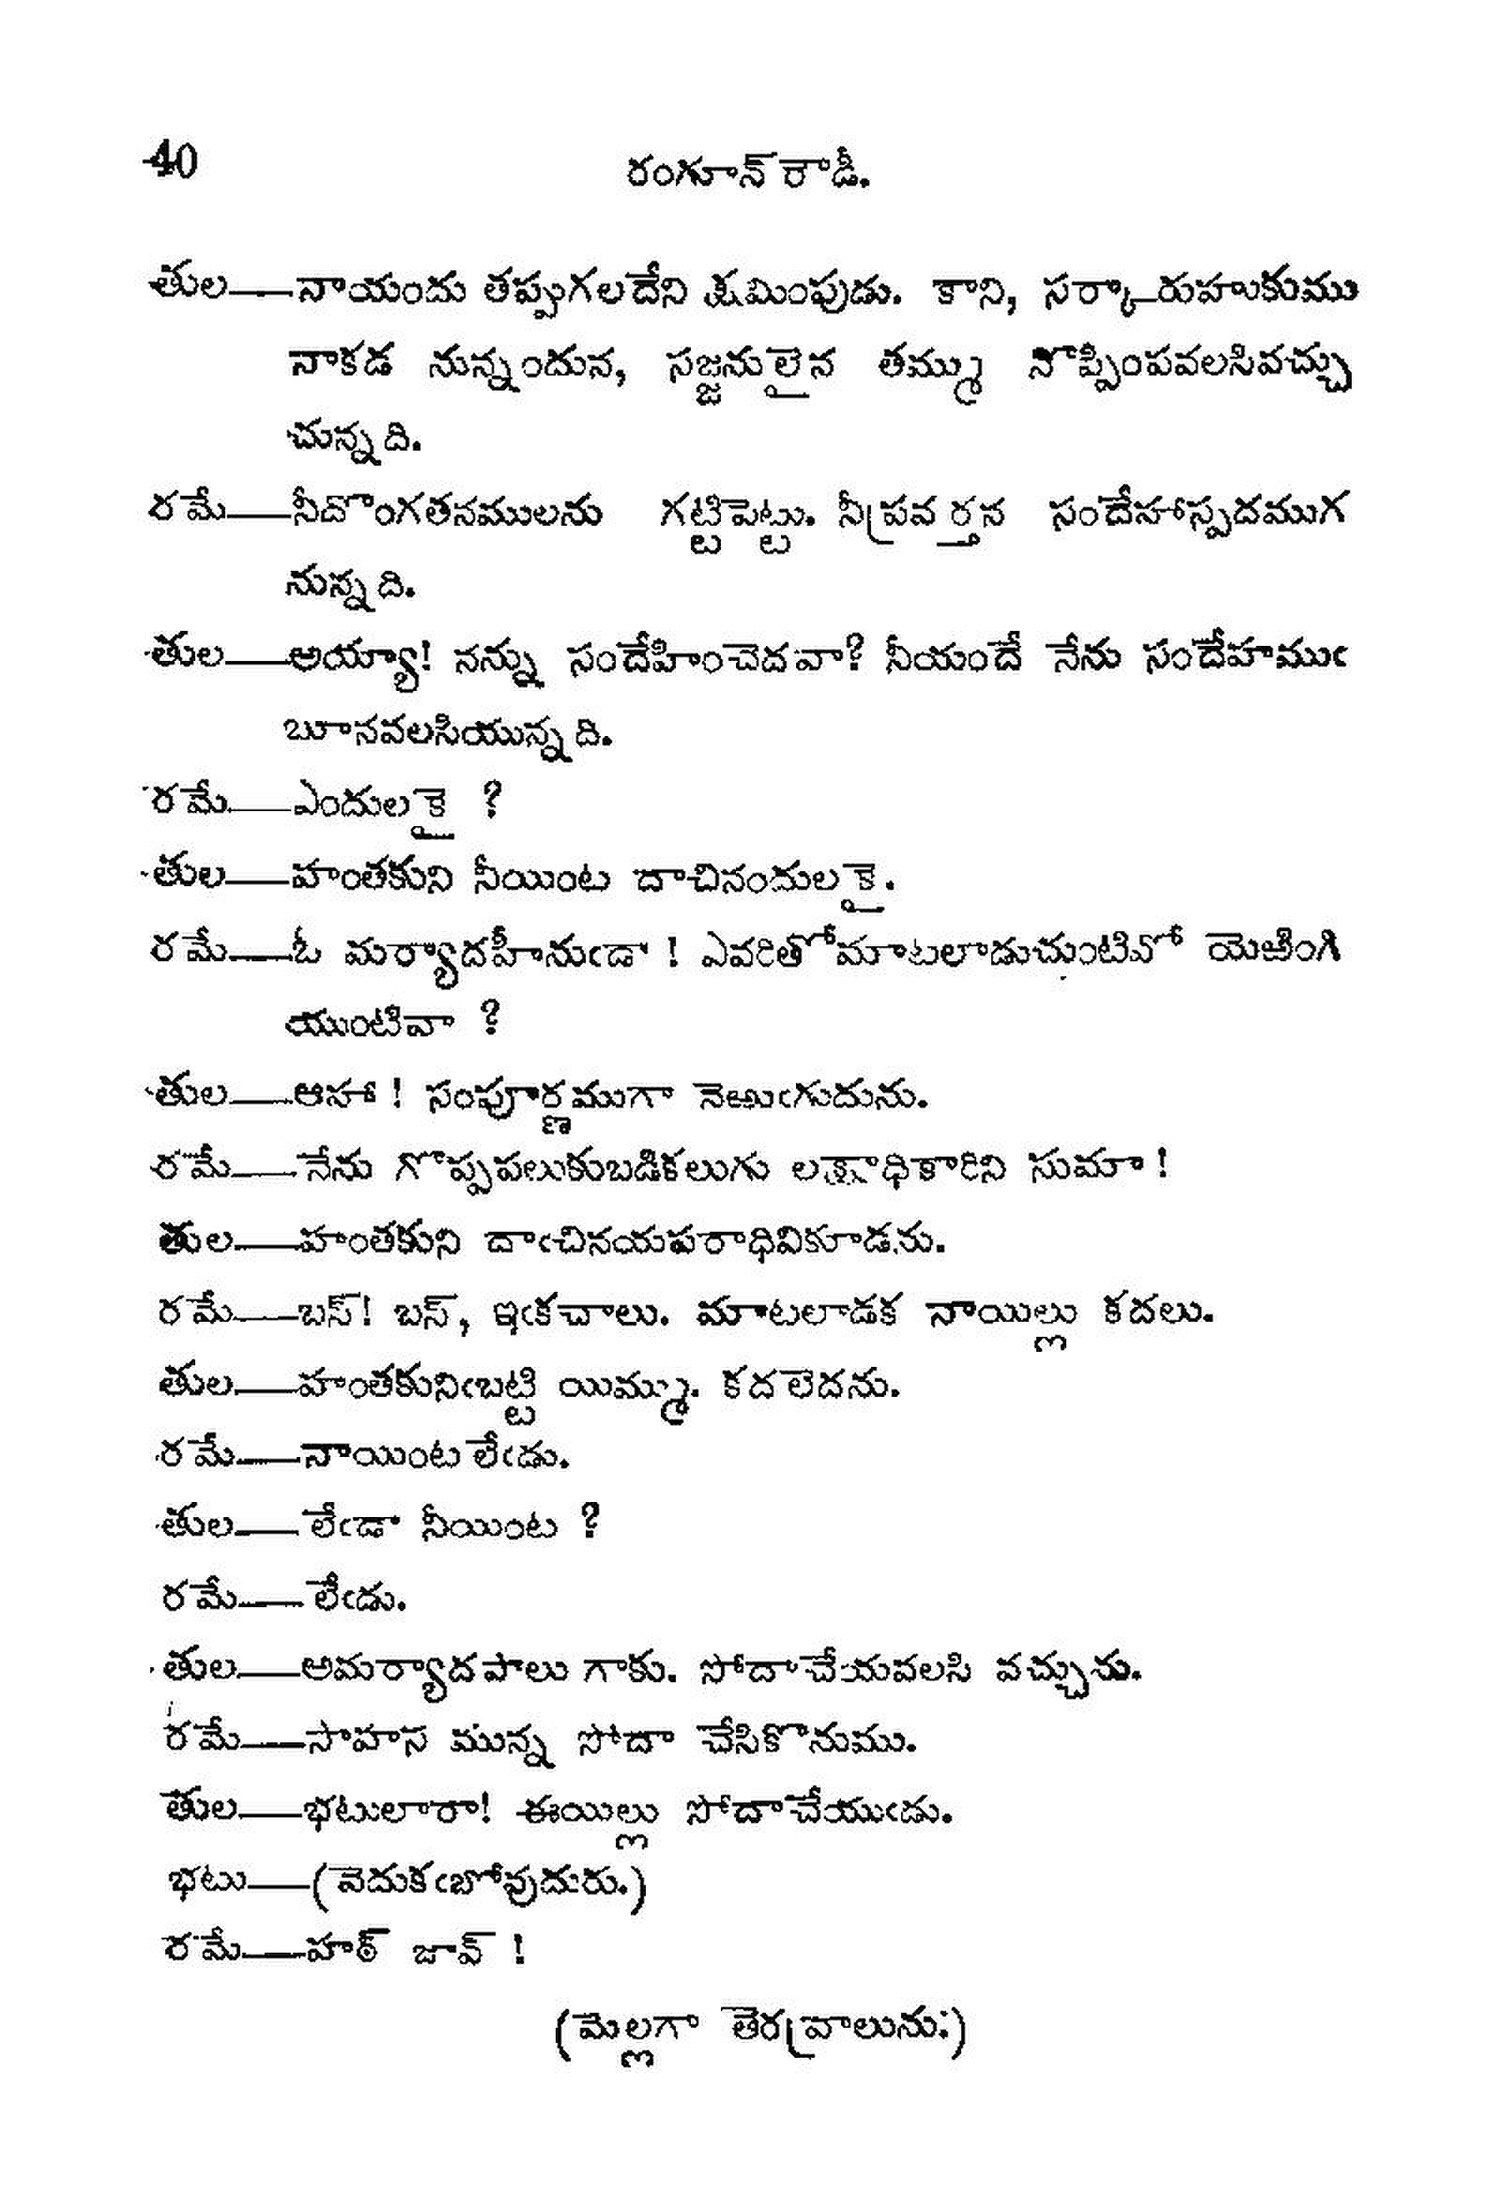తుల - నాయందు తప్పుగలదేని క్షమింపుడు. కాని, సర్కారుహుకుము నాకడ నున్నందున, సజ్జనులైన తమ్ము నొప్పింపవలసివచ్చు చున్నది.

రమే - నీదొంగతనములను గట్టిపెట్టు. నీప్రవర్తన సందేహాస్పదముగ నున్నది.

తుల - అయ్యా! నన్ను సందేహించెదవా? నీయందే నేను సందేహముఁ బూనవలసియున్నది.

రమే - ఎందులకై ?

తుల - హంతకుని నీయింట దాచినందులకై.

రమే - ఓ మర్యాదహీనుఁడా ! ఎవరితోమాటలాడుచుంటివో యెఱింగి యుంటివా ?

తుల - ఆహా ! సంపూర్ణముగా నెఱుఁగుదును.

రమే - నేను గొప్పపలుకుబడికలుగు లక్షాధికారిని సుమా !

తుల - హంతకుని దాఁచినయపరాధివికూడను.

రమే - బస్ ! బస్, ఇఁకచాలు. మాటలాడక నాయిల్లు కదలు.

తుల - హంతకునిఁబట్టి యిమ్ము. కదలెదను.

రమే - నాయింట లేఁడు.

తుల - లేఁడా నీయింట ?

రమే - లేఁడు.

తుల - అమర్యాదపాలు గాకు. సోదాచేయవలసి వచ్చును.

రమే - సాహస మున్న సోదా చేసికొనుము.

తుల - భటులారా! ఈయిల్లు సోదాచేయుఁడు.

భటు — (వెదుకఁబోవుదురు.)

రమే - హఠ్ జావ్!